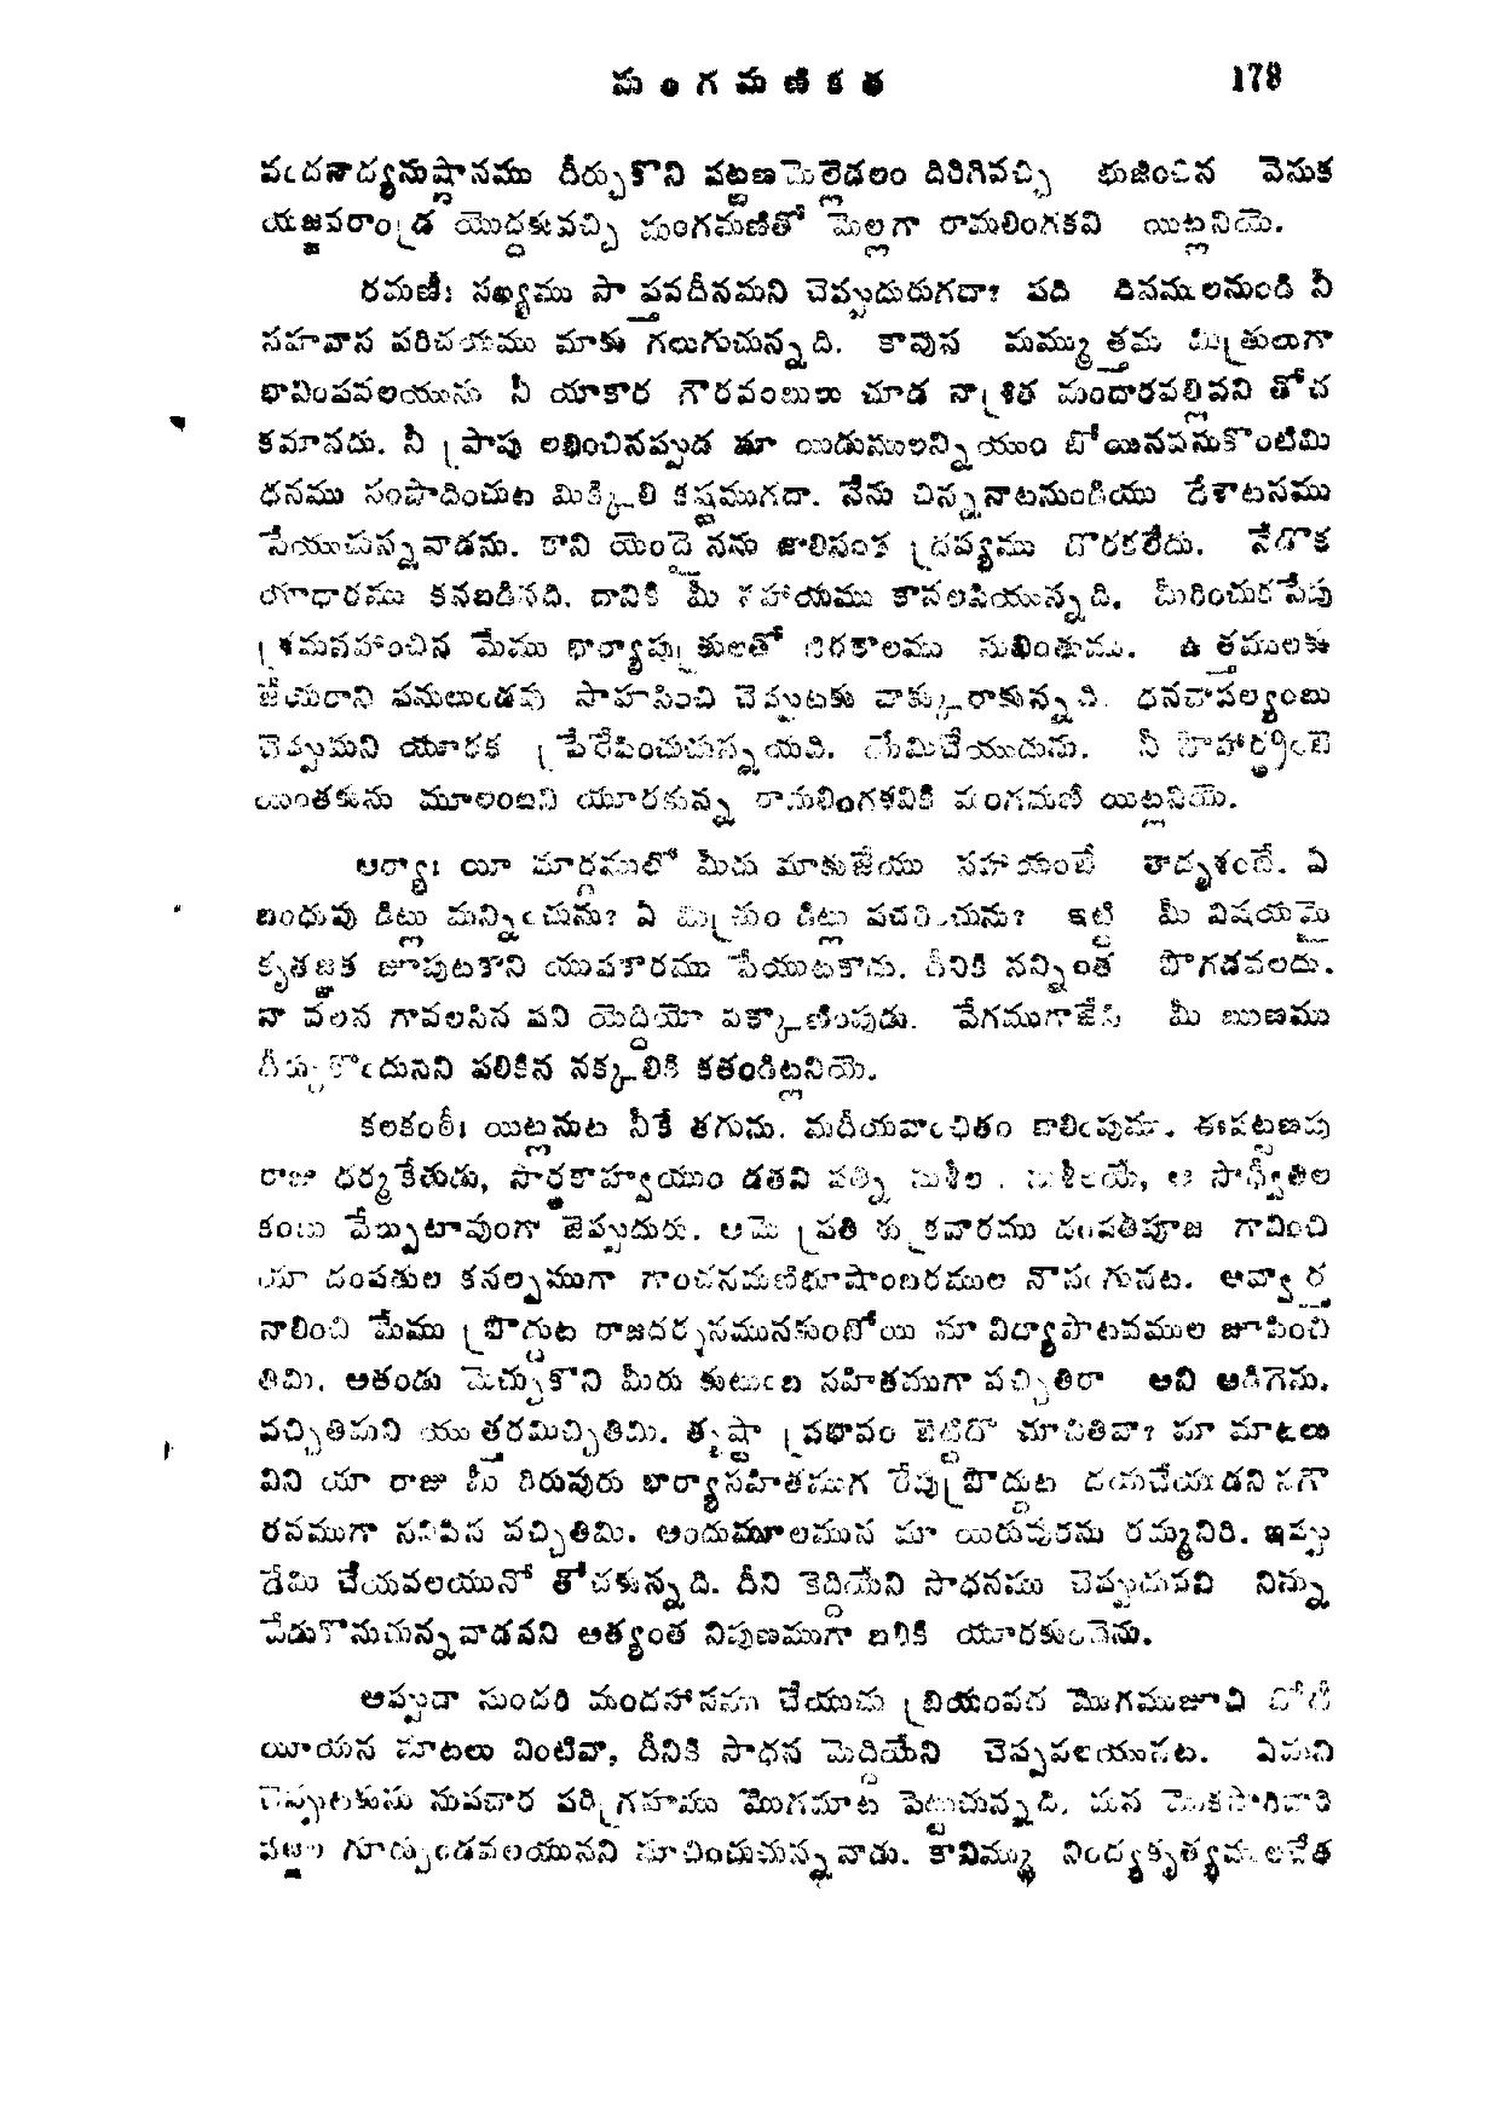వందనాద్యనుష్టానము దీర్చుకొని పట్టణమెల్లడలం దిరిగివచ్చి భుజించిన వెనుక యజ్జవరాండ్రయొద్దకు వచ్చి మంగమణితో మెల్లగా రామలింగకవి యిట్లనియె.

రమణీ! సఖ్యము సాప్తవదీనమని చెప్పుదురుగదా! పది దినములనుండి నీ సహవాసపరిచయము మాకు గలుగుచున్నది. కావున మ మ్ముత్తమమిత్రులుగా భావింపవలయును నీ యాకారగౌరవంబులు చూడ నాశ్రితమందారవల్లివని తోచకమానదు. నీ ప్రాపు లభించినప్పుడ మా యిడుములన్నియుం బోయినవనుకొంటిమి ధనము సంపాదించుట మిక్కిలి కష్టముగదా. నేను చిన్ననాటనుండియు దేశాటనము సేయుచున్నవాడను. కాని యెందైనను జాలినంత ద్రవ్యము దొరకలేదు. నే డొకయాధారము కనబడినది. దానికి మీ సహాయము కావలసియున్నది. మీరించుకసేపు శ్రమ వహించిన మేము భార్యాపుత్రులతో జిరకాలము సుఖింతుము. ఉత్తములకు జేయరాని పనులుండవు సాహసించి చెప్పుటకు వాక్కు రాకున్నది. ధనచాపల్యంబు చెప్పుమని యూరక ప్రేరేపించుచున్నయది. యేమిచేయుదును. నీ సౌహార్ద్రంబె యింతకును మూలంబని యూరకున్న రామలింగకవికి మంగమణి యిట్లనియె.

ఆర్యా! యీ మార్గములో మీరు మాకు జేయు సహాయంబే తాదృశంబే. ఏ బంధువు డిట్లు మన్నించును? ఏ మిత్రుం డిట్లు పచరించును? ఇట్టి మీ విషయమై కృతజ్ఞత జూపుటకాని యుపకారము సేయుటకాదు. దీనికి నన్నింత పొగడవలదు. నా వలన గావలసిన పని యెద్దియో వక్కాణింపుడు. వేగముగా జేసి మీ ఋణము దీర్చుకొందునని పలికిన నక్కలికి కతండిట్లనియె.

కలకంఠీ! యిట్లనుట నీకే తగును. మదీయవాంఛితం బాలింపుము. ఈపట్టణపు రాజు ధర్మకేతుడు, సార్ధకాహ్వయుం డతని పత్ని సుశీల. సుశీలయే ఆ సాధ్వీతిలకంబు వేల్పుటావుంగా జెప్పుదురు. ఆమె ప్రతి శుక్రవారము దంపతీపూజ గావించి యా దంపతుల కనల్పముగా గాంచనమణిభూషాంబరముల నొసఁగునట. అవ్వార్త నాలించి మేము ప్రొద్దుట రాజదర్శనమునకుంబోయి మా విద్యాపాటవముల జూపించితిమి. అతండు మెచ్చుకొని మీరు కుటుంబసహితముగా వచ్చితిరా అని అడిగెను. వచ్చితిమని యుత్తరమిచ్చితిమి. తృష్ణాప్రభావం బెట్టిదొ చూచితివా? మా మాటలు విని యా రాజు మీ రిరువురు భార్యాసహితముగ రేపుప్రొద్దుట దయచేయుడనిన గౌరవముగా ననిపిన వచ్చితిమి. అందుమూలమున మా యిరువురను రమ్మనిరి. ఇప్పు డేమి చేయవలయునో తోచకున్నది. దీని కెద్దియేని సాధనము చెప్పుదువని నిన్ను వేడుకొనుచున్నవాడనని అత్యంతనిపుణముగా బలికి యూరకుండెను.

అప్పుడా సుందరి మందహాసము చేయుచు బ్రియంవద మొగముజూచి బోటీ యీయన మాటలు వింటివా, దీనికి సాధన మెద్దియేని చెప్పవలయునట. ఏమని చెప్పుటకును నుపచారపరిగ్రహము మొగమాట పెట్టుచున్నది. మన మొకసారి వారిపజ్జల గూర్చుండవలయునని సూచించుచున్నవాడు. కానిమ్ము నింద్యకృత్యములచేత